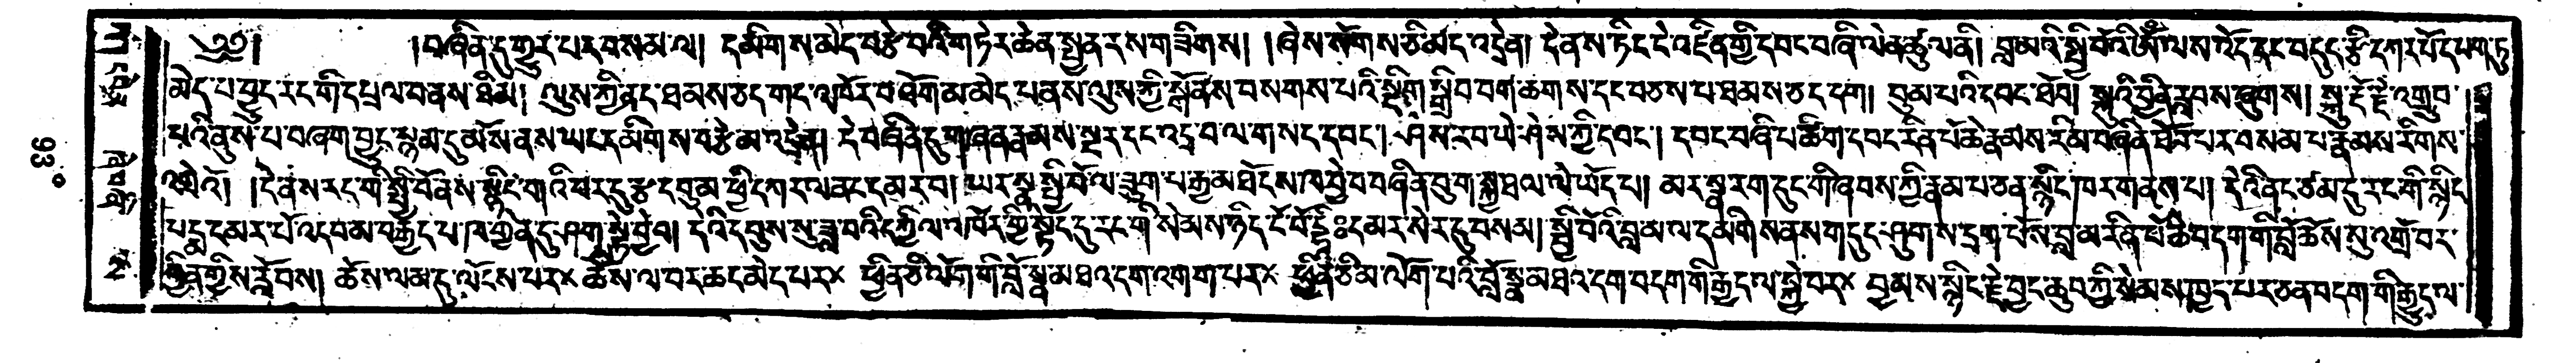༄༅། །བཞིན་དུ་གྱུར་པར་བསམ་ལ། དམིགས་མེད་བརྩེ་བའི་གཏེར་ཆེན་སྤྱན་རས་གཟིགས། །ཞེས་སོགས་ཅི་མང་འདྲེན། དེ་ནས་ཏིང་ངེ་འཛིན་གྱི་དབང་བཞི་ལེན་ཚུལ་ནི། བླ་མའི་སྤྱི་བོའི་ཨོཾ་ལས་འོད་དང་བདུད་རྩི་དཀར་པོ་དཔག་ཏུ་
མེད་པ་བྱུང་རང་གི་དཔྲལ་བ་ནས་ཐིམ། ལུས་ཀྱི་ནད་ཐམས་ཅད་གང་འཁོར་བ་ཐོག་མ་མེད་པ་ནས་ལུས་ཀྱི་སྒོ་ནས་བསགས་པའི་སྡིག་སྒྲིབ་བག་ཆགས་དང་བཅས་པ་ཐམས་ཅད་དག། བུམ་པའི་དབང་ཐོབ། སྐུའི་བྱིན་རླབས་ཞུགས། སྐུ་རྡོ་རྗེ་འགྲུབ་
པའི་ནུས་པ་བཞག་བྱུང་སྙམ་དུ་མོས་ནས་ཡང་དམིགས་བརྩེ་མ་འདྲེན། དེ་བཞིན་དུ་གཞན་རྣམས་སྔར་དང་འདྲ་བ་ལ་གསང་དབང་། ཤེས་རབ་ཡེ་ཤེས་ཀྱི་དབང་། དབང་བཞི་པ་ཚིག་དབང་རིན་པོ་ཆེ་རྣམས་རིམ་བཞིན་ཐོབ་པར་བསམ་པ་རྣམས་རིགས་
འགྲེའོ། །དེ་ནས་རང་གི་སྤྱི་བོ་ནས་སྙིང་གའི་བར་དུ་རྩ་དབུ་མ་ཕྱི་དཀར་ལ་ནང་དམར་བ། ཡར་སྣ་སྤྱི་བོ་ལ་ཟུག་པ་རྒྱ་མཐོངས་ཁ་བྱེ་བ་བཞིན་བུ་ག་སྐྱ་ཐལ་ལེ་ཡོད་པ། མར་སྣ་རག་དུང་གི་ཞབས་ཀྱི་རྣམ་པ་ཅན་སྙིང་ཁར་གནས་པ། དེའི་ནང་ཙམ་དུ་རང་གི་སྙིང་
པདམ་དམར་པོ་འདབ་མ་བརྒྱད་པ་ཁ་གྱེན་དུ་ཤག་སྟེ་བྱེ་བ། དེའི་དབུས་སུ་ཟླ་བའི་དཀྱིལ་འཁོར་གྱི་སྟེང་དུ་རང་གི་སེམས་ཉིད་ངོ་བོ་དྷཱིཿ དམར་སེར་དུ་བསམ། སྤྱི་བོའི་བླ་མ་ལ་དམིགས་ནས་གདུང་ཤུགས་དྲག་པོས་བླ་མ་རིན་པོ་ཆེ་བདག་གི་བློ་ཆོས་སུ་འགྲོ་བར་
གྱིན་གྱིས་རློབས། ཆོས་ལམ་དུ་ལོངས་པར་྾་ཆོས་ལ་བར་ཆད་མེད་པར་྾་ཕྱིན་ཅི་ལོག་གི་བློ་སྣ་མཐའ་དག་འགག་པར་྾་ཕྱིན་ཅི་མ་ལོག་པའི་བློ་སྣ་མཐའ་དག་བདག་གི་རྒྱད་ལ་སྐྱེ་བར་྾་བྱམས་སྙིང་རྗེ་བྱང་ཆུབ་ཀྱི་སེམས་ཁྱད་པར་ཅན་བདག་གི་རྒྱུད་ལ་